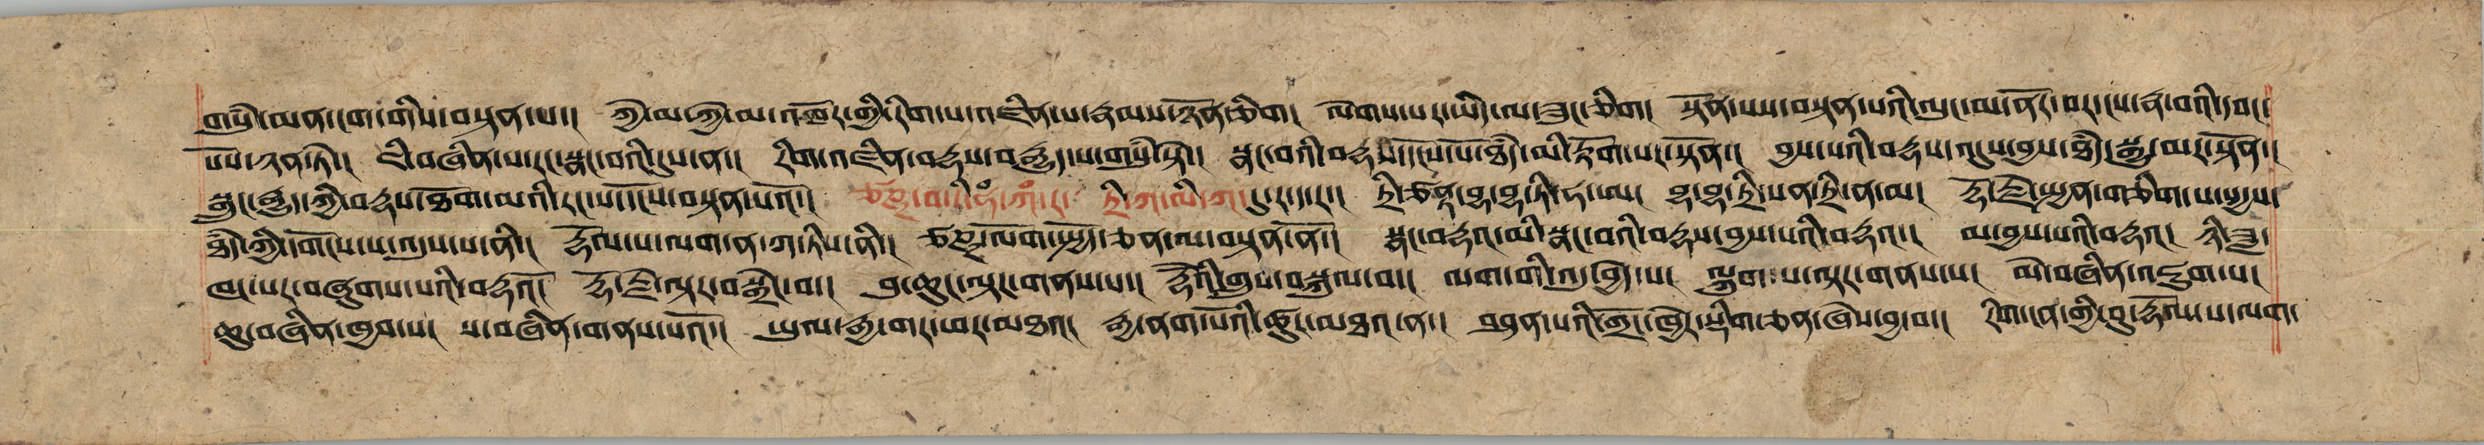གསུཾ་མན་ངག་གིས་བསྟན་པ་། ཀྱེ་མ་ཀྱེ་མ་འཁོར་གྱི་རིག་པ་འཛིན་པ་རྣམས་ཉོན་ཅིག། ལེགས་པར་ཡིད་ལ་ཟུང་ཅིག། སྟོན་པས་བསྟན་པའི་ལུང་མ་ནོར་བར་ངས་རྣ་བའི་དབང་
པོས་ཉན་ཏེ་། ཇི་བཞིན་པ་རང་སྣང་བའི་དུས་ན་། རིག་འཛིན་བརྡས་བརྒྱུད་པ་གསུཾ་སྟེ་། སྣང་བའི་བརྡས་དངོས་པོ་ཐཾད་མི་རྟོག་པར་སྟོན་། བྱས་པའི་བརྡས་འདུས་བྱས་ཐཾད་སྒྱུ་མར་སྟོན་།
སྒྲུང་རྒྱུད་ཀྱི་བརྡས་ཐོག་མའི་རང་ས་དངོས་བསྟན་པའོ་། ཙཎྜ་བ་ཏི་ཧཾ་ཀཾ་ར་ ཏྲི་ཀ་ལི་ཀ་དུ་ར་ད་རད། ཏྲི་ཙནྟ་བྷ་བྷ་་ཏི་ཧ་ཨ། བྷ་བྷ་ཏྲི་སན་ཏྲི་ན་མ། རྡོ་རྗེ་སྤྱན་གཅིག་པ་སདྱས་
ཐཾད་ཀྱི་དགོངས་པ་འདུས་པ་ནི་། རྡོལ་པ་ལག་ན་ཀ་ཏིས་ནི་། ཙཎྜ་ལོག་སྤྱོད་ཅན་ལ་བསྟན་ནོ་། སྣང་བརྡའ་མི་སྣང་བའི་བརྡས་བྱས་པའི་བརྡའ་། མ་བྱས་པའི་བརྡའ། ཉི་ཟླ་
ཁང་པར་བཞུགས་པའི་བརྡའོ། རྡོ་རྗེ་ལྟར་བསྒྲེང་བ་། བུ་ཆུང་ལྟར་གནས་པ་། རྡོེའི་གྲུབ་བསྐུལ་བ་། ལག་གི་འདུ་བྱེད་པ། ལྐུག་པ་ལྟར་གནས་པ། མེ་བཞིན་འཇུག་པ།
ཆུ་བཞིན་ཁྱབ་པ། ས་བཞིན་གནས་པའོ་། ཡུལ་རྒྱ་གར་ཕར་མཐའ། རྒྱ་ནག་པོའི་ཚུར་མཐའ་ན་། བཤན་པའི་གྲོང་ཁྱེར་སྡིག་ཅན་ཞེས་བྱ་བ་། རིག་ངན་གྱི་བུ་རྡོལ་པ་ལག་